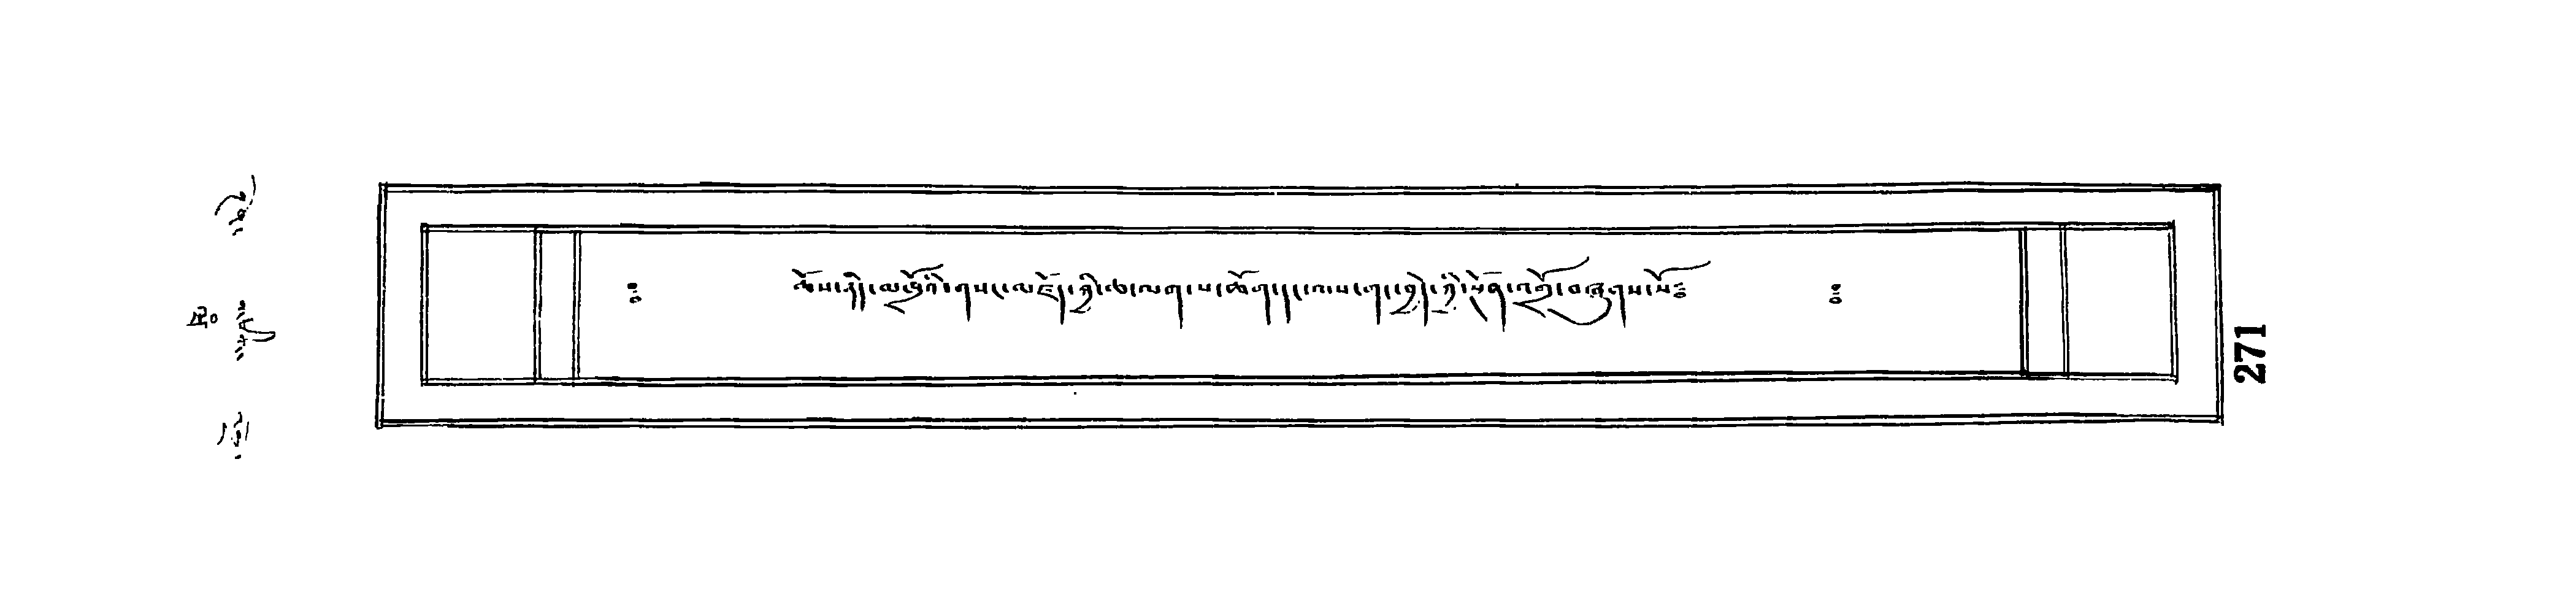ཆོས་ཉིད་མཁའ་འགྲོའི་གསང་མཛོད་ཀྱི་ཆ་ལག་ས་ཆོག་དང་ལས་གང་བྱེད་ཀྱི་སྔོན་འགྲོ་བཞུགས་སོ༔